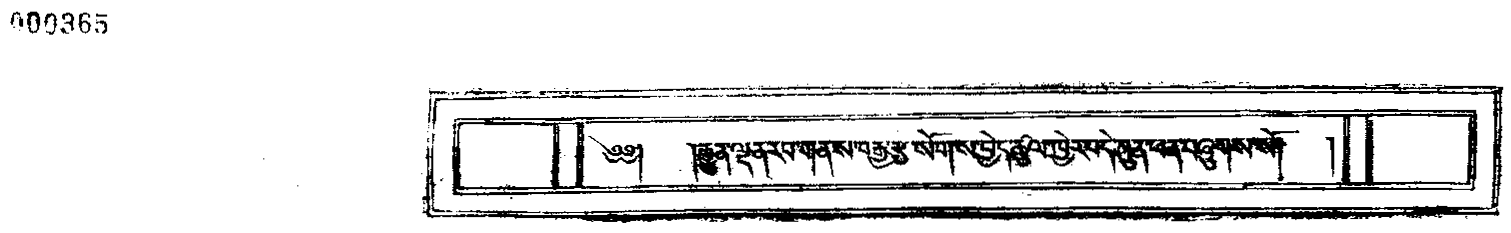། །རྒྱུན་ལྡན་རབ་གནས་བརྒྱ་རྩ་སོགས་བྱེད་ཚུལ་ཁྱེར་བདེ་ཀུན་ཕན་བཞུགས་སོ། །